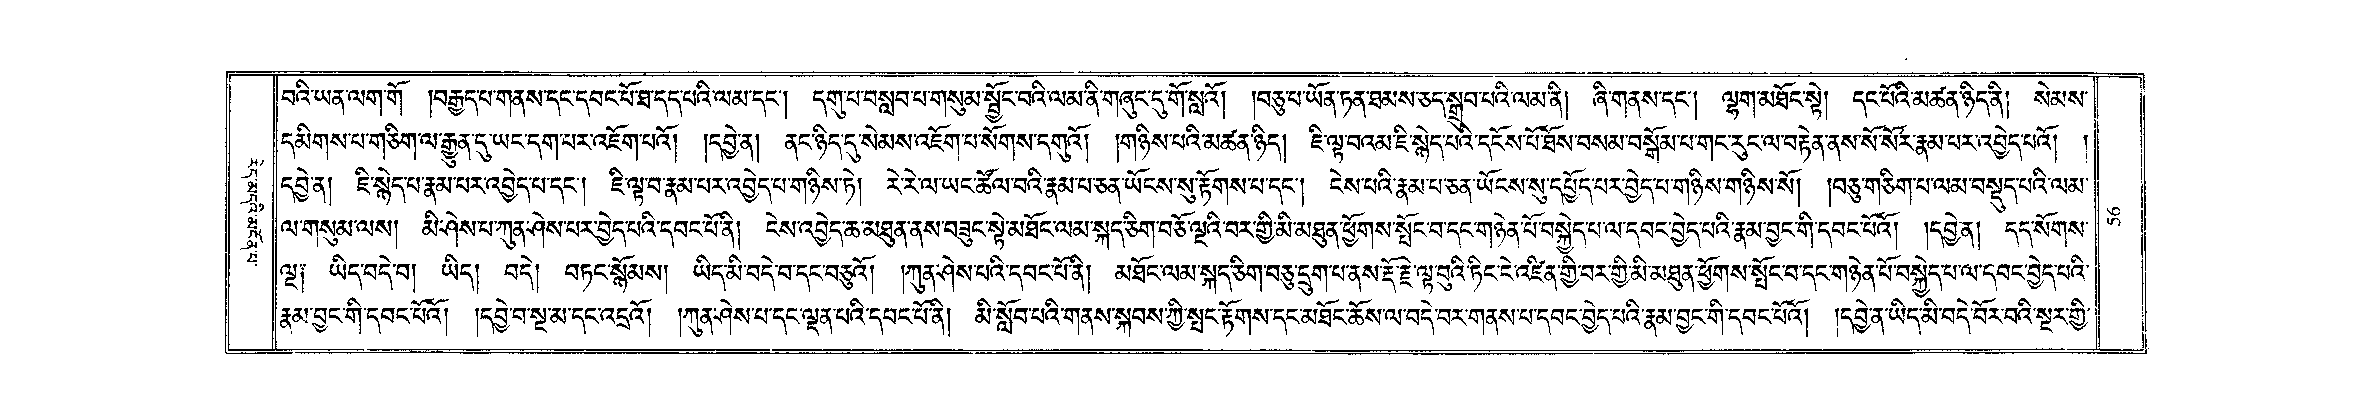བའི་ཡན་ལག་གོ །བརྒྱད་པ་གནས་དང་དབང་པོ་ཐ་དད་པའི་ལམ་དང་། དགུ་པ་བསླབ་པ་གསུམ་སྦྱོང་བའི་ལམ་ནི་གཞུང་དུ་གོ་སླའོ། །བཅུ་པ་ཡོན་ཏན་ཐམས་ཅད་སྒྲུབ་པའི་ལམ་ནི། ཞི་གནས་དང་། ལྷག་མཐོང་སྟེ། དང་པོའི་མཚན་ཉིད་ནི། སེམས་
དམིགས་པ་གཅིག་ལ་རྒྱུན་དུ་ཡང་དག་པར་འཇོག་པའོ། །དབྱེ་ན། ནང་ཉིད་དུ་སེམས་འཇོག་པ་སོགས་དགུའོ། །གཉིས་པའི་མཚན་ཉིད། ཇི་ལྟ་བའམ་ཇི་སྙེད་པའི་དངོས་པོ་ཐོས་བསམ་བསྒོམ་པ་གང་རུང་ལ་བརྟེན་ནས་སོ་སོར་རྣམ་པར་འབྱེད་པའོ། །
དབྱེ་ན། ཇི་སྙེད་པ་རྣམ་པར་འབྱེད་པ་དང་། ཇི་ལྟ་བ་རྣམ་པར་འབྱེད་པ་གཉིས་ཏེ། རེ་རེ་ལ་ཡང་ཚོལ་བའི་རྣམ་པ་ཅན་ཡོངས་སུ་རྟོགས་པ་དང་། ངེས་པའི་རྣམ་པ་ཅན་ཡོངས་སུ་དཔྱོད་པར་བྱེད་པ་གཉིས་གཉིས་སོ། །བཅུ་གཅིག་པ་ལམ་བསྡུད་པའི་ལམ་
ལ་གསུམ་ལས། མི་ཤེས་པ་ཀུན་ཤེས་པར་བྱེད་པའི་དབང་པོ་ནི། ངེས་འབྱེད་ཆ་མཐུན་ནས་བཟུང་སྟེ་མཐོང་ལམ་སྐད་ཅིག་བཅོ་ལྔའི་བར་གྱི་མི་མཐུན་ཕྱོགས་སྤོང་བ་དང་གཉེན་པོ་བསྐྱེད་པ་ལ་དབང་བྱེད་པའི་རྣམ་བྱང་གི་དབང་པོའོ། །དབྱེ་ན། དད་སོགས་
ལྔ༑ ཡིད་བདེ་བ། ཡིད། བདེ། བཏང་སྙོམས། ཡིད་མི་བདེ་བ་དང་བཅུའོ། །ཀུན་ཤེས་པའི་དབང་པོ་ནི། མཐོང་ལམ་སྐད་ཅིག་བཅུ་དྲུག་པ་ནས་རྡོ་རྗེ་ལྟ་བུའི་ཏིང་ངེ་འཛིན་གྱི་བར་གྱི་མི་མཐུན་ཕྱོགས་སྤོང་བ་དང་གཉེན་པོ་བསྐྱེད་པ་ལ་དབང་བྱེད་པའི་
རྣམ་བྱང་གི་དབང་པོའོ། །དབྱེ་བ་སྔ་མ་དང་འདྲའོ། །ཀུན་ཤེས་པ་དང་ལྡན་པའི་དབང་པོ་ནི། མི་སློབ་པའི་གནས་སྐབས་ཀྱི་སྤང་རྟོགས་དང་མཐོང་ཆོས་ལ་བདེ་བར་གནས་པ་དབང་བྱེད་པའི་རྣམ་བྱང་གི་དབང་པོའོ། །དབྱེ་ན་ཡིད་མི་བདེ་བོར་བའི་སྔར་གྱི་